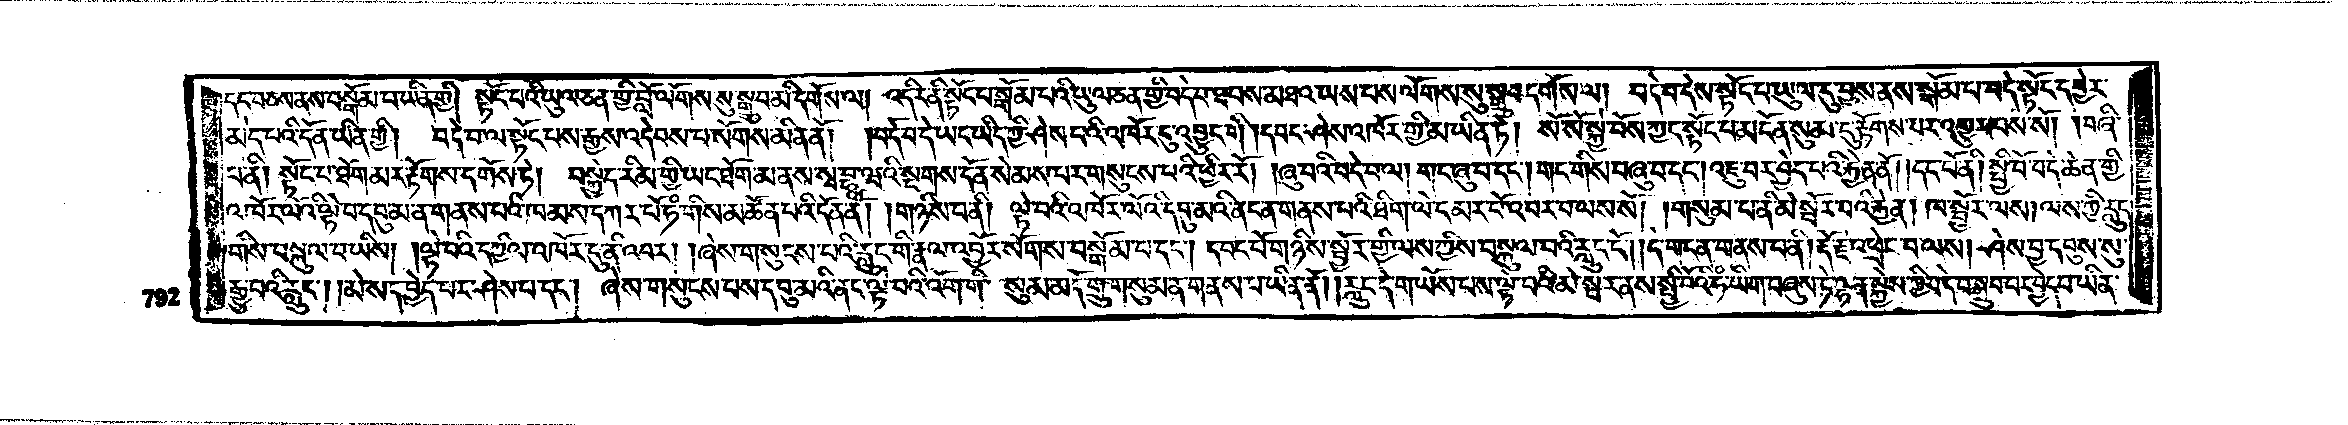དང་བཅས་ནས་བསྒོམ་པ་ཡིན་གྱི། སྟོང་པའི་ཡུལ་ཅན་གྱི་བློ་ལོགས་སུ་སྒྲུབ་མི་དགོས་ལ། འདིར་ནི་སྟོང་པ་སྒོམ་པའི་ཡུལ་ཅན་གྱི་བདེ་བ་ཐབས་མཐའ་ཡས་པས་ལོགས་སུ་སྒྲུབ་དགོས་ལ། བདེ་བ་དེས་སྟོང་པ་ཡུལ་དུ་བྱས་ནས་སྒོམ་པ་བདེ་སྟོང་དབྱེར་
མེད་པའི་དོན་ཡིན་གྱི། བདེ་བ་ལ་སྟོང་པས་རྒྱས་འདེབས་པ་སོགས་མིན་ནོ། །བདེ་བ་དེ་ཡང་ཡིད་ཀྱི་ཤེས་པའི་འཁོར་དུ་འབྱུང་གི །དབང་ཤེས་འཁོར་གྱི་མ་ཡིན་ཏེ། སོ་སོ་སྐྱེ་བོས་ཀྱང་སྟོང་པ་མངོན་སུམ་དུ་རྟོགས་པར་འགྱུར་བས་སོ། །བཞི་
པ་ནི། སྟོང་པ་ཐོག་མར་རྟོགས་དགོས་ཏེ། བསྐྱེད་རིམ་གྱི་ཡང་ཐོག་མ་ནས་སྭ་བྷཱ་ཝའི་སྔགས་དོན་སེམས་པར་གསུངས་པའི་ཕྱིར་རོ། །ཞུ་བའི་བདེ་བ་ལ། གང་ཞུ་བ་དང་། གང་གིས་བཞུ་བ་དང་། འཇུ་བར་བྱེད་པའི་རྐྱེན་ནོ། །དང་པོ་ནི། སྤྱི་བོ་བདེ་ཆེན་གྱི་
འཁོར་ལོའི་ལྟ་བ་དབུ་མ་ན་གནས་པའི་ཁམས་དཀར་པོ་ཧཾ་གིས་མཚོན་པའི་དོན་ནོ། །གཉིས་པ་ནི། ལྟེ་བའི་འཁོར་ལོའི་དབུ་མའི་ནང་ན་གནས་པའི་ཐིག་ལེ་དམར་པོ་འབར་བ་ལས་སོ། །གསུམ་པ་ནི་མེ་སྦོར་བའི་རྐྱེན། ཁ་སྦྱོར་ལས། ལས་ཀྱི་རླུང་
གིས་བསྐུལ་བ་ཡིས། །ལྟེ་བའི་དཀྱིལ་འཁོར་དུ་ནི་འབར། །ཞེས་གསུངས་པའི་རླུང་གི་རྣལ་འབྱོར་སོགས་བསྒོམ་པ་དང་། དབང་པོ་གཉིས་སྦྱོར་གྱི་ལས་ཀྱིས་བསྐུལ་བའི་རླུང་ངོ། །དེ་གང་ན་གནས་པ་ནི། རྡོ་རྗེ་འཕྲེང་བ་ལས། ཤེས་བྱ་དབུས་སུ་
རྒྱུ་བའི་རླུང་། །མེ་སད་བྱེད་པར་ཤེས་པ་དང་། ཞེས་གསུངས་པས་དབུ་མའི་ནང་ལྟེ་བའི་འོག་གི་སུམ་མདོ་གྲུ་གསུམ་ན་གནས་པ་ཡིན་ནོ། །རླུང་དེ་གཡོས་པས་ལྟེ་བའི་མེ་སྦར་ནས་སྤྱི་བོའི་ཧཾ་ཡིག་བཞུས་ཏེ་ལྷན་སྐྱེས་ཀྱི་བདེ་བ་སྒྲུབ་པར་བྱེད་པ་ཡིན་